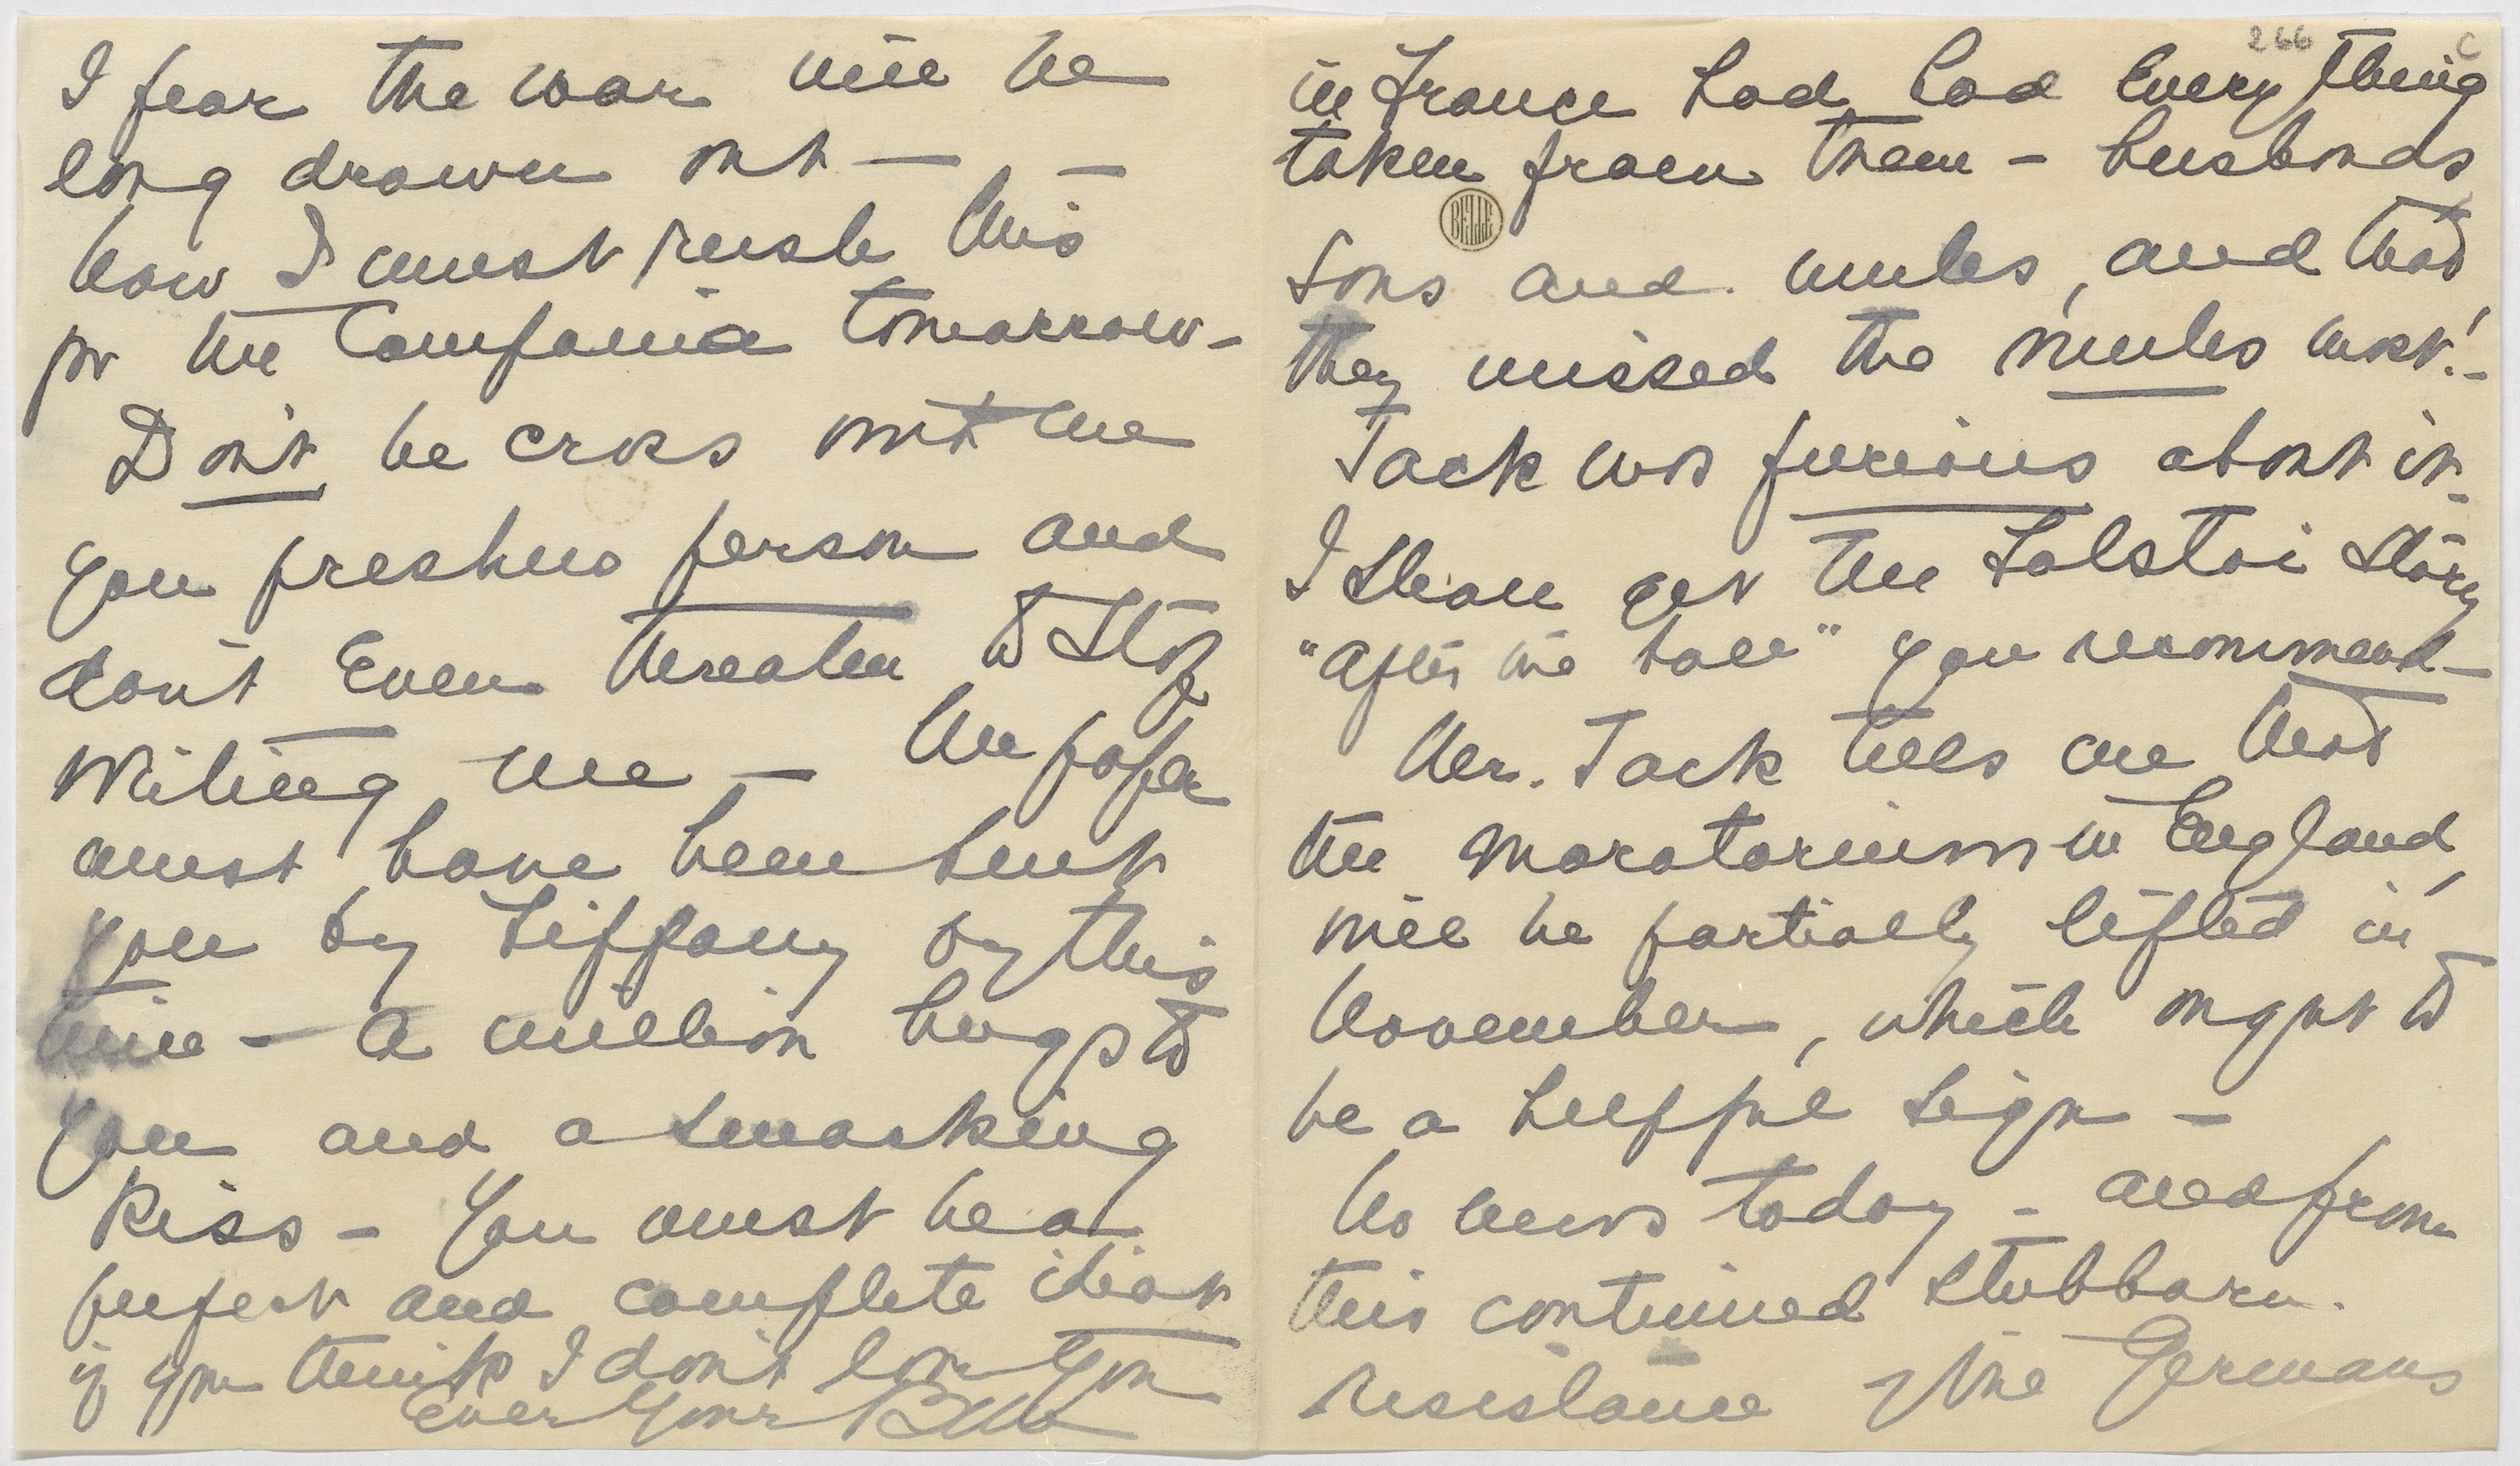in France had had everything taken from them – husbands, sons and mules, and that they missed the mules most! –
Jack was furious about it – I shall get the Tolstoi [sic] story “after the ball” you recommend –
Mr. Jack tells me that the moratorium on England, will be partially lifted in November, which ought to be a helpful sign –
No news today –and from this continued stubborn resistance of the Germans
I fear the war will be long drawn out –
Now I must rush this for the Campania tomorrow –
Don’t be cross with me you preshus person and don’t ever threaten to stop writing me – The paper must have been sent you by Tiffany by this time – A million hugs to you and a smacking kiss – You must be a perfect and complete idiot if you think I don’t love you
Ever your Belle